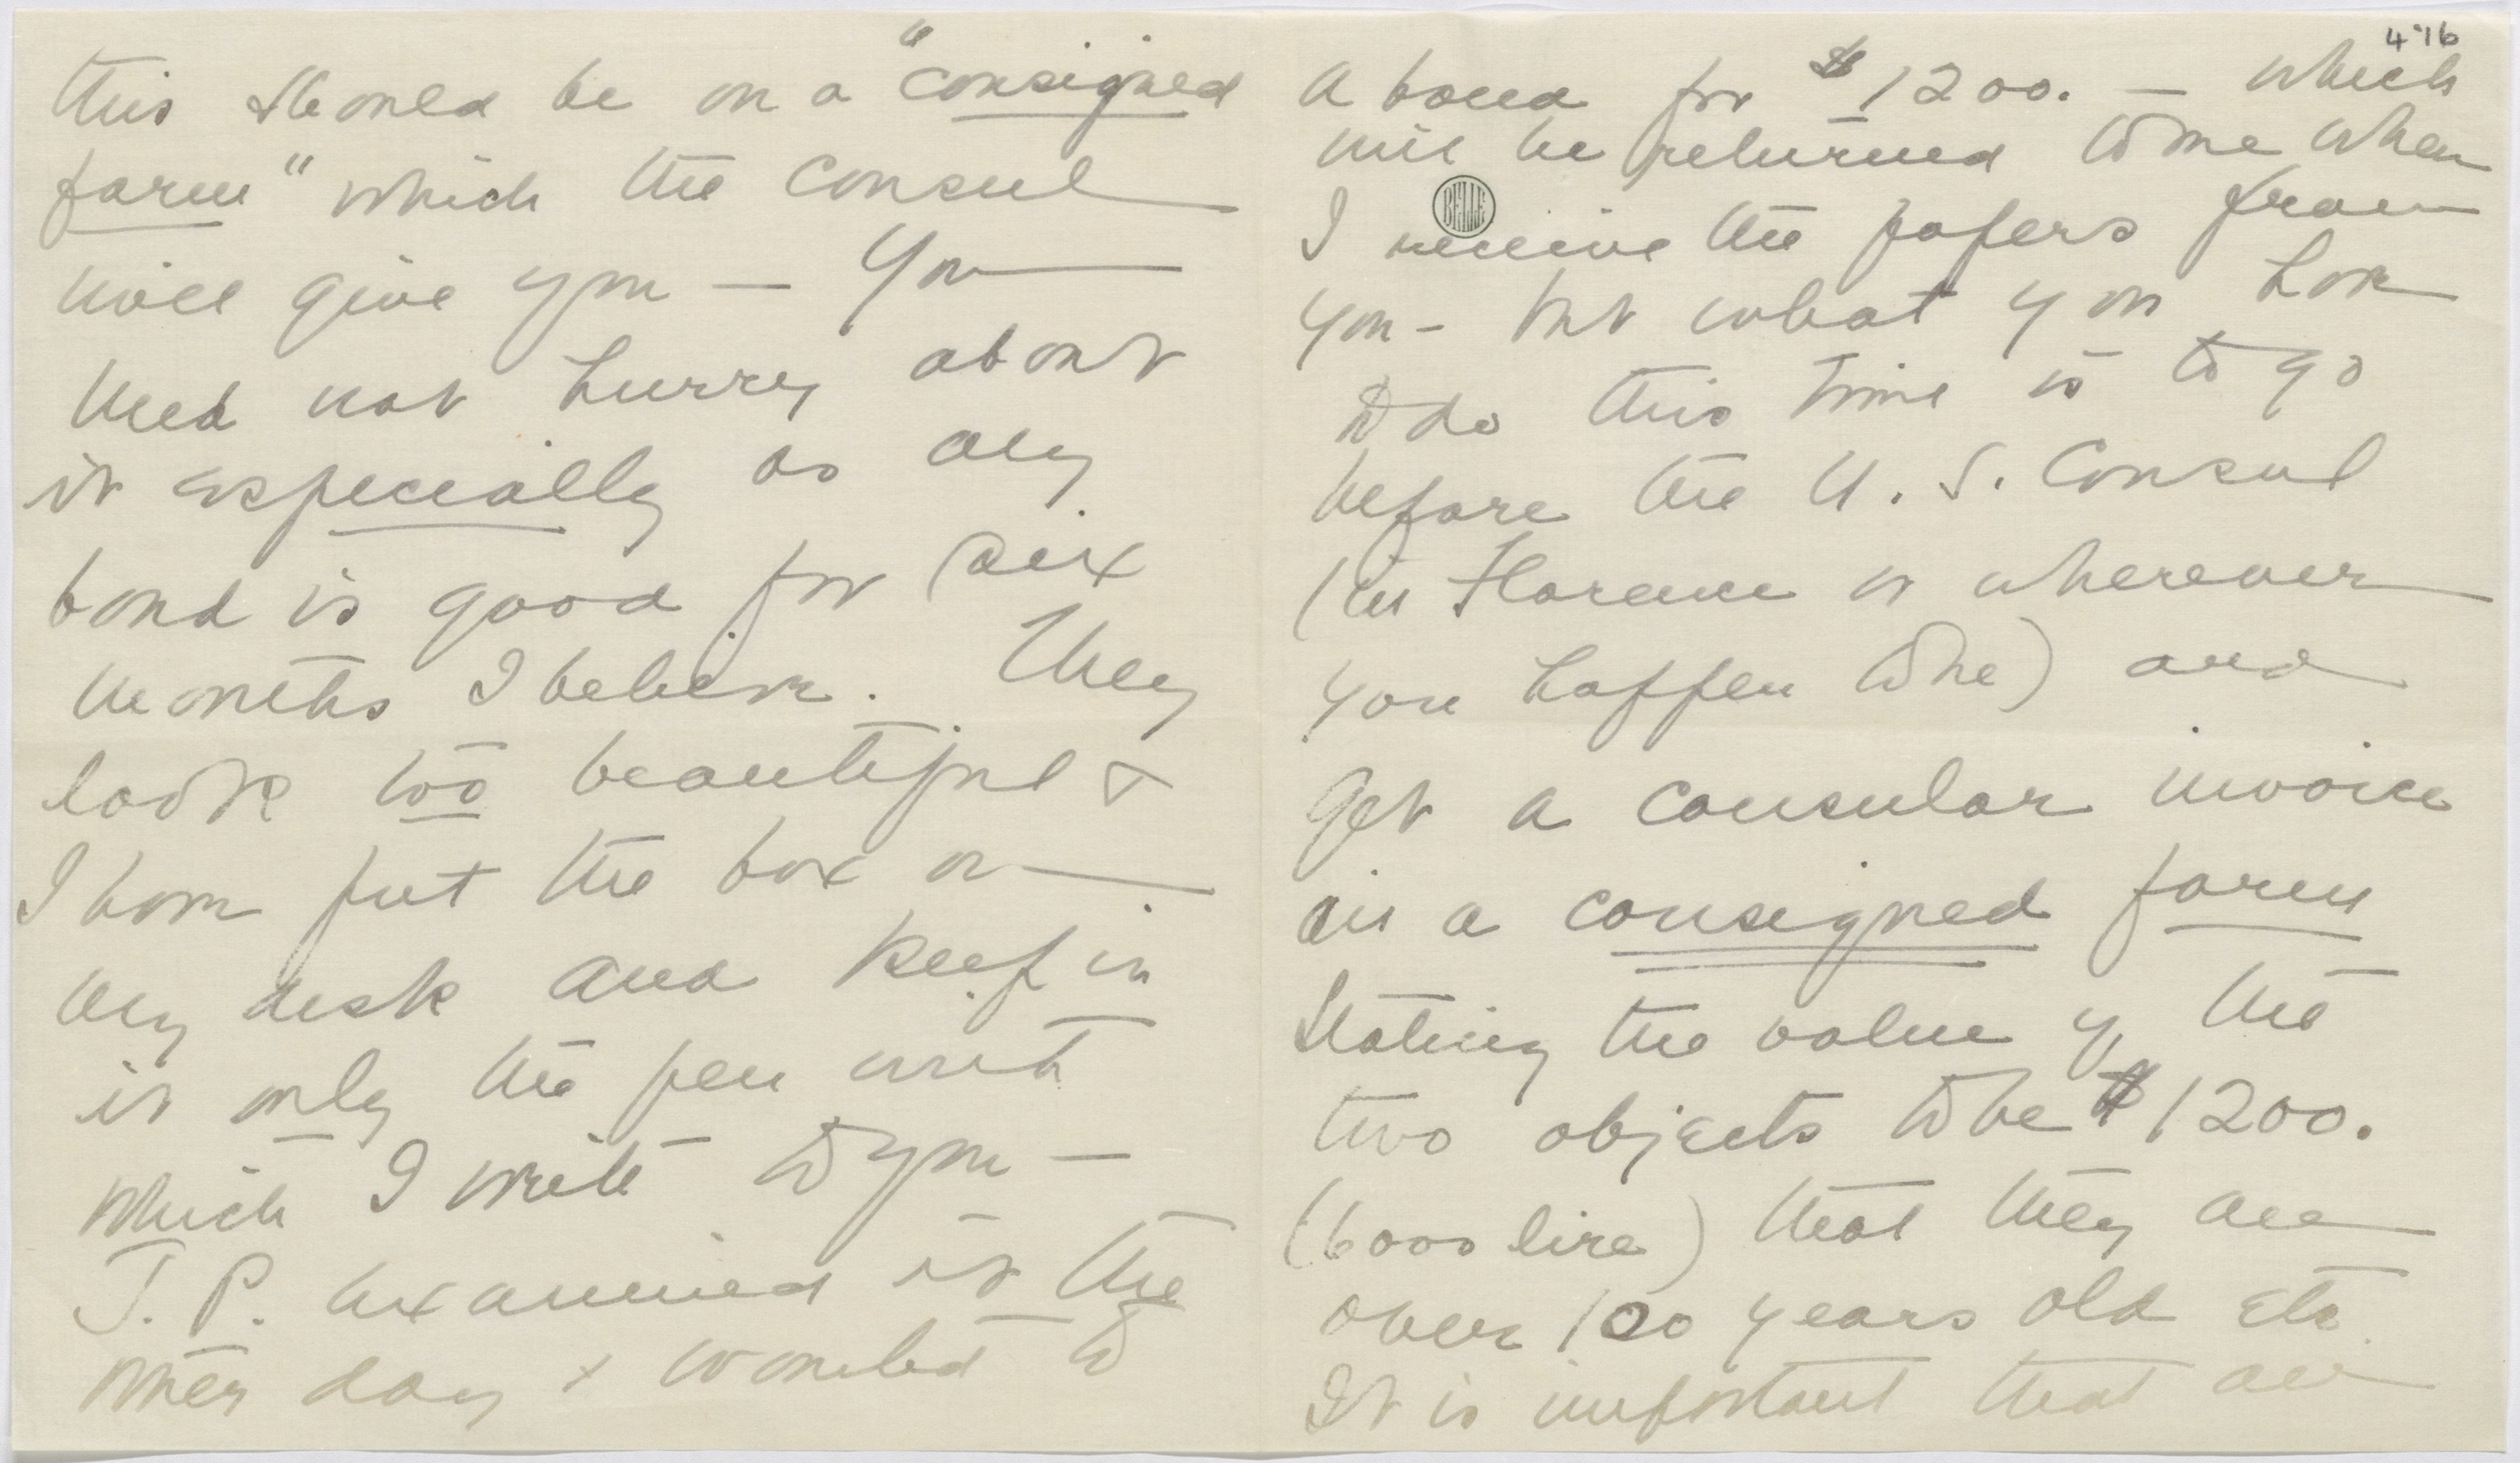a bond for $1200. – which will be returned to me when I receive the papers from you – but what you have to do this time is to go before the U.S. Consul (in Florence or wherever you happen to be) and get a consular invoice in a [double underlined: consigned] form stating the value of the two objects to be $1200. (6000 lira) that they are over 100 years old etc. It is important that all
this should be on a “consigned form” which the consul will give you – You need not hurry about it especially as my bond is good for six months I believe. They look too beautiful & I have put the box on my desk and keep in it only the pen with which I write to you – J. P. examined it the other day & wanted to